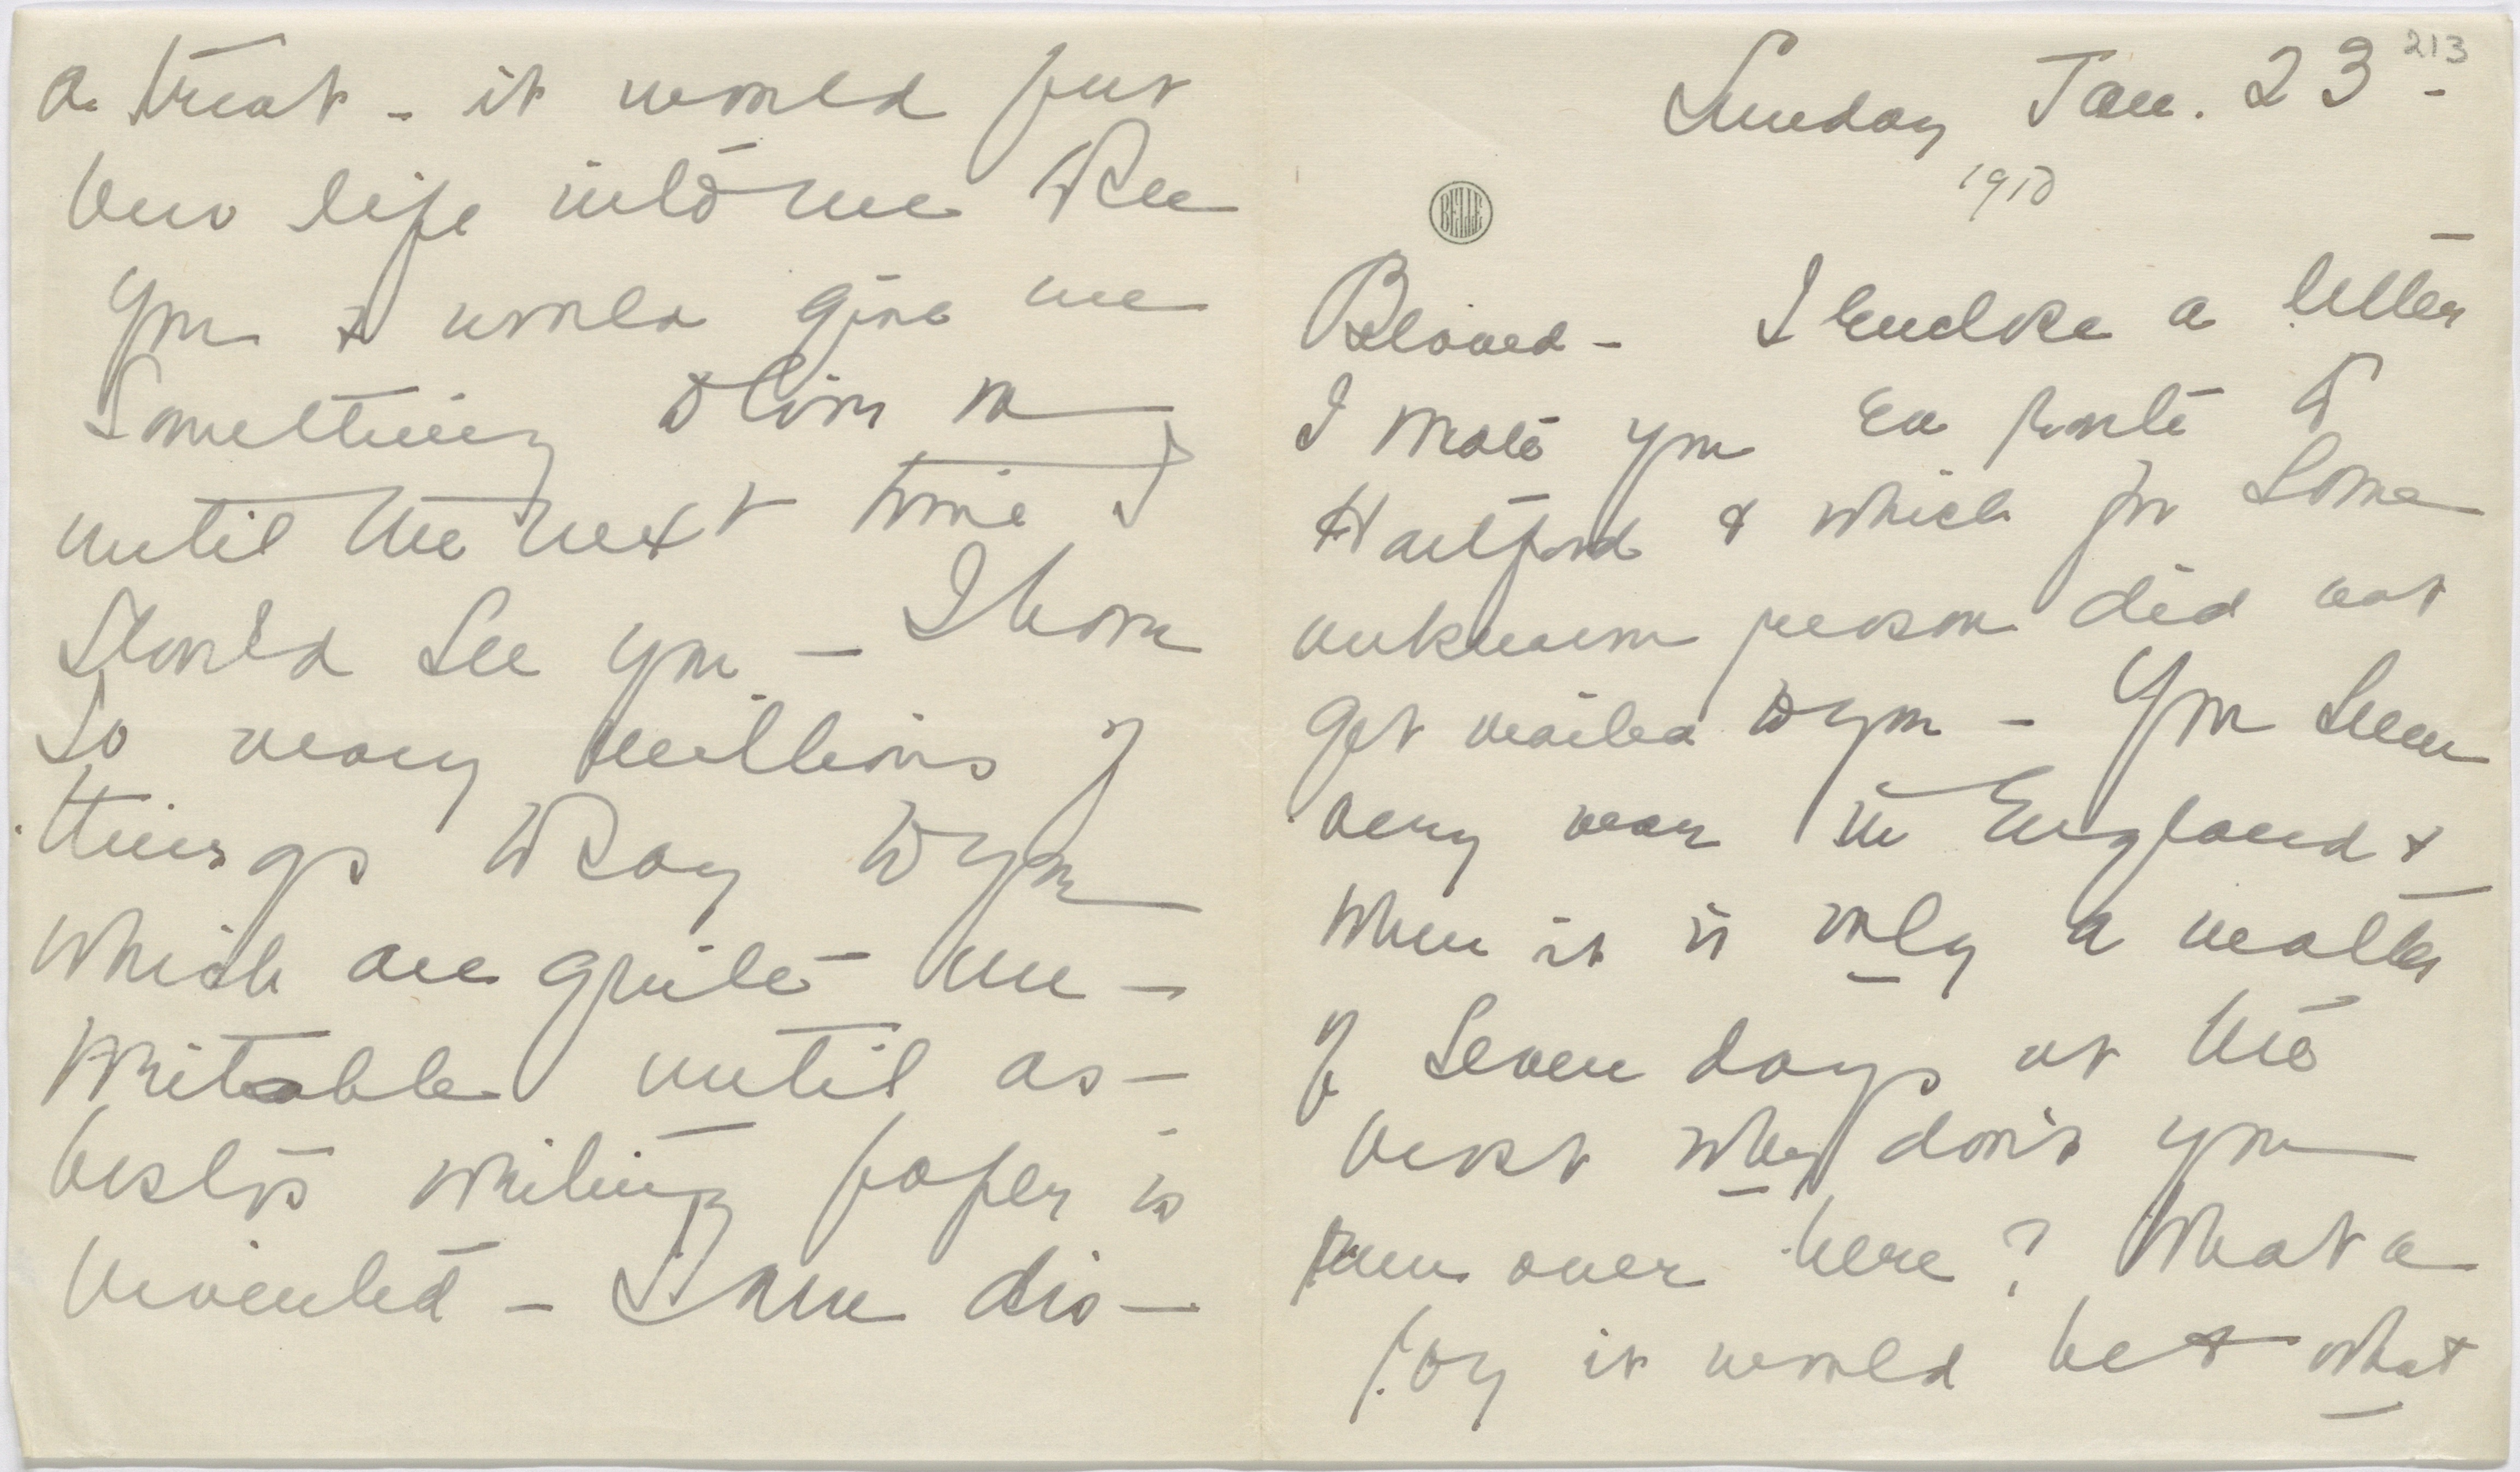Sunday Jan. 23 –
Beloved – I enclose a letter I wrote you en route to Hartford & which for some unknown reason did not get mailed to you – You seem very near in England & when it is only a matter of seven days at the most why don’t you run over here? What a joy it would be & what
a treat – it would put new life into me to see you & would give me something to live on until the next time I should see you – I have so many millions of things to say to you which are quite unwritable until asbestos writing paper is invented – I am distractingly